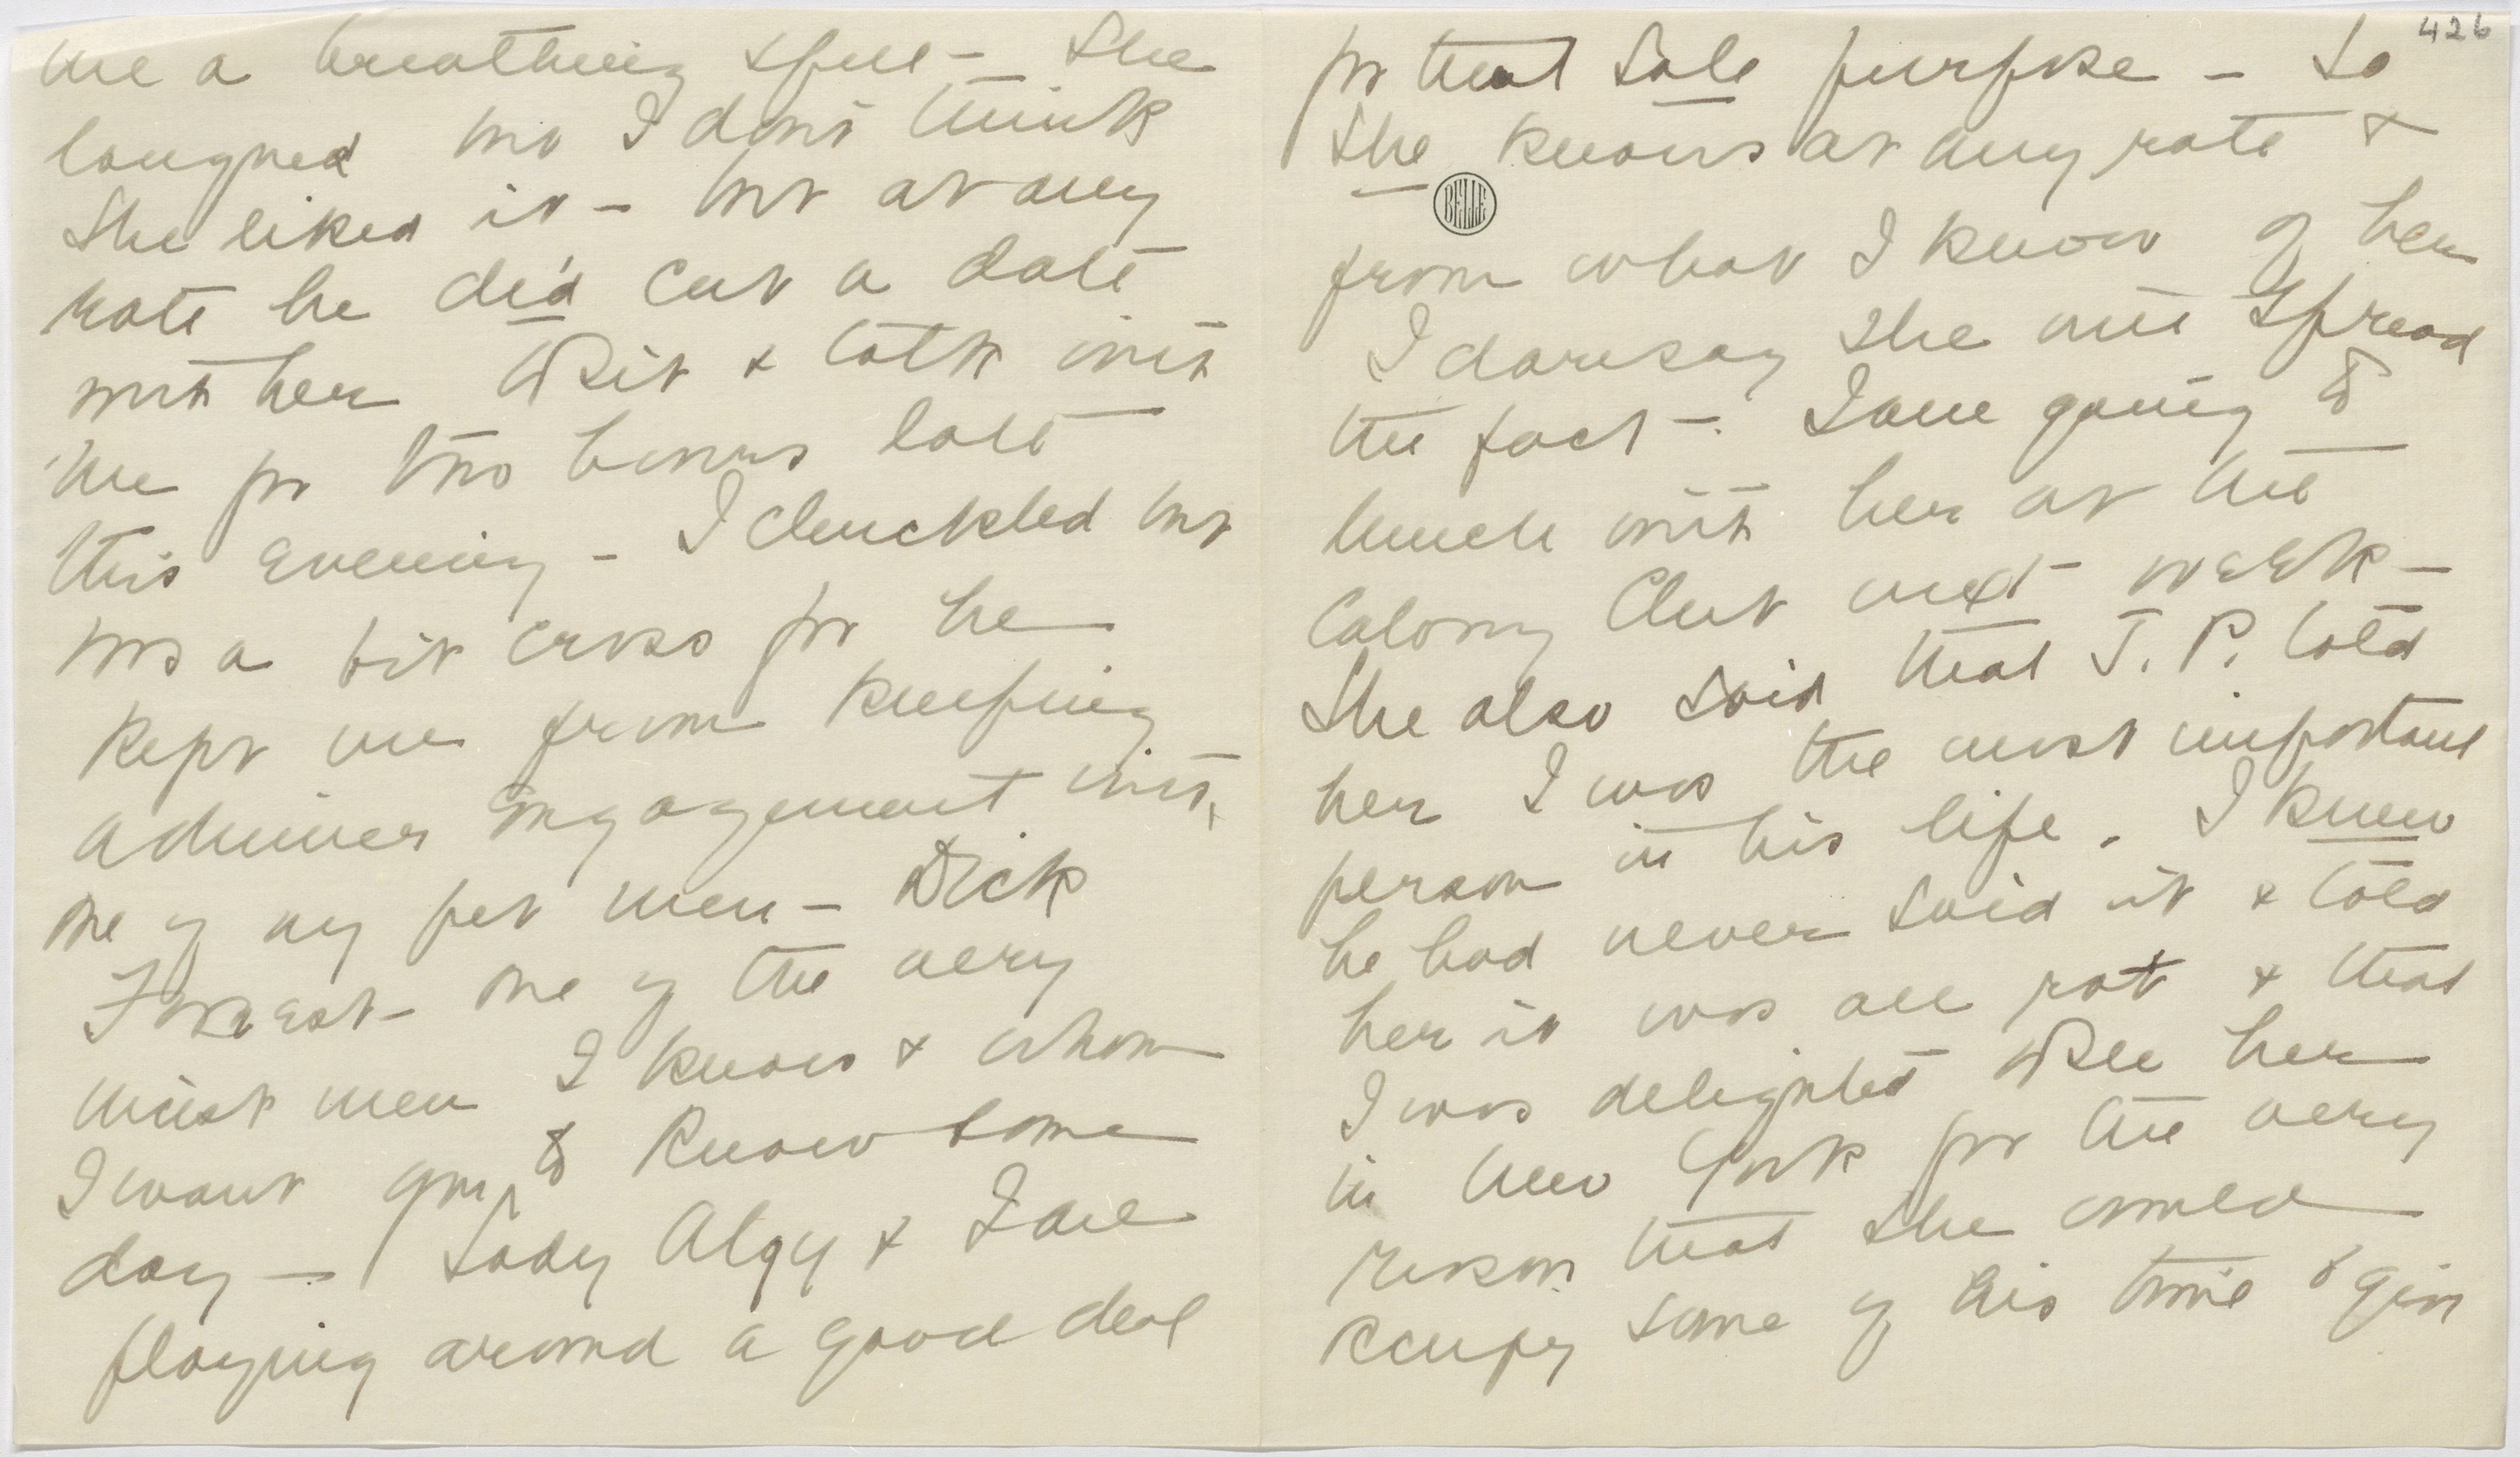for that sole purpose – So she knows at any rate & from what I know of her I daresay she will spread the fact – I am going to lunch with her at the Colony Club next week – She also said that J. P. told her I was the most important person in his life, I knew he had never said it & told her it was all rot & that I was delighted to see her in New York for the very reason that she would occupy some of his time & give
me a breathing spell – She laughed but I don’t think she liked it – but at any rate he did cut a date with her to sit & talk with me for two hours late this evening – I chuckled but was a bit cross for he kept me from keeping a dinner engagement with one of my pet men – Dick Forrest – one of the very nicest men I know & whom I want you to know some day – Lady Algy & I are playing around a good deal